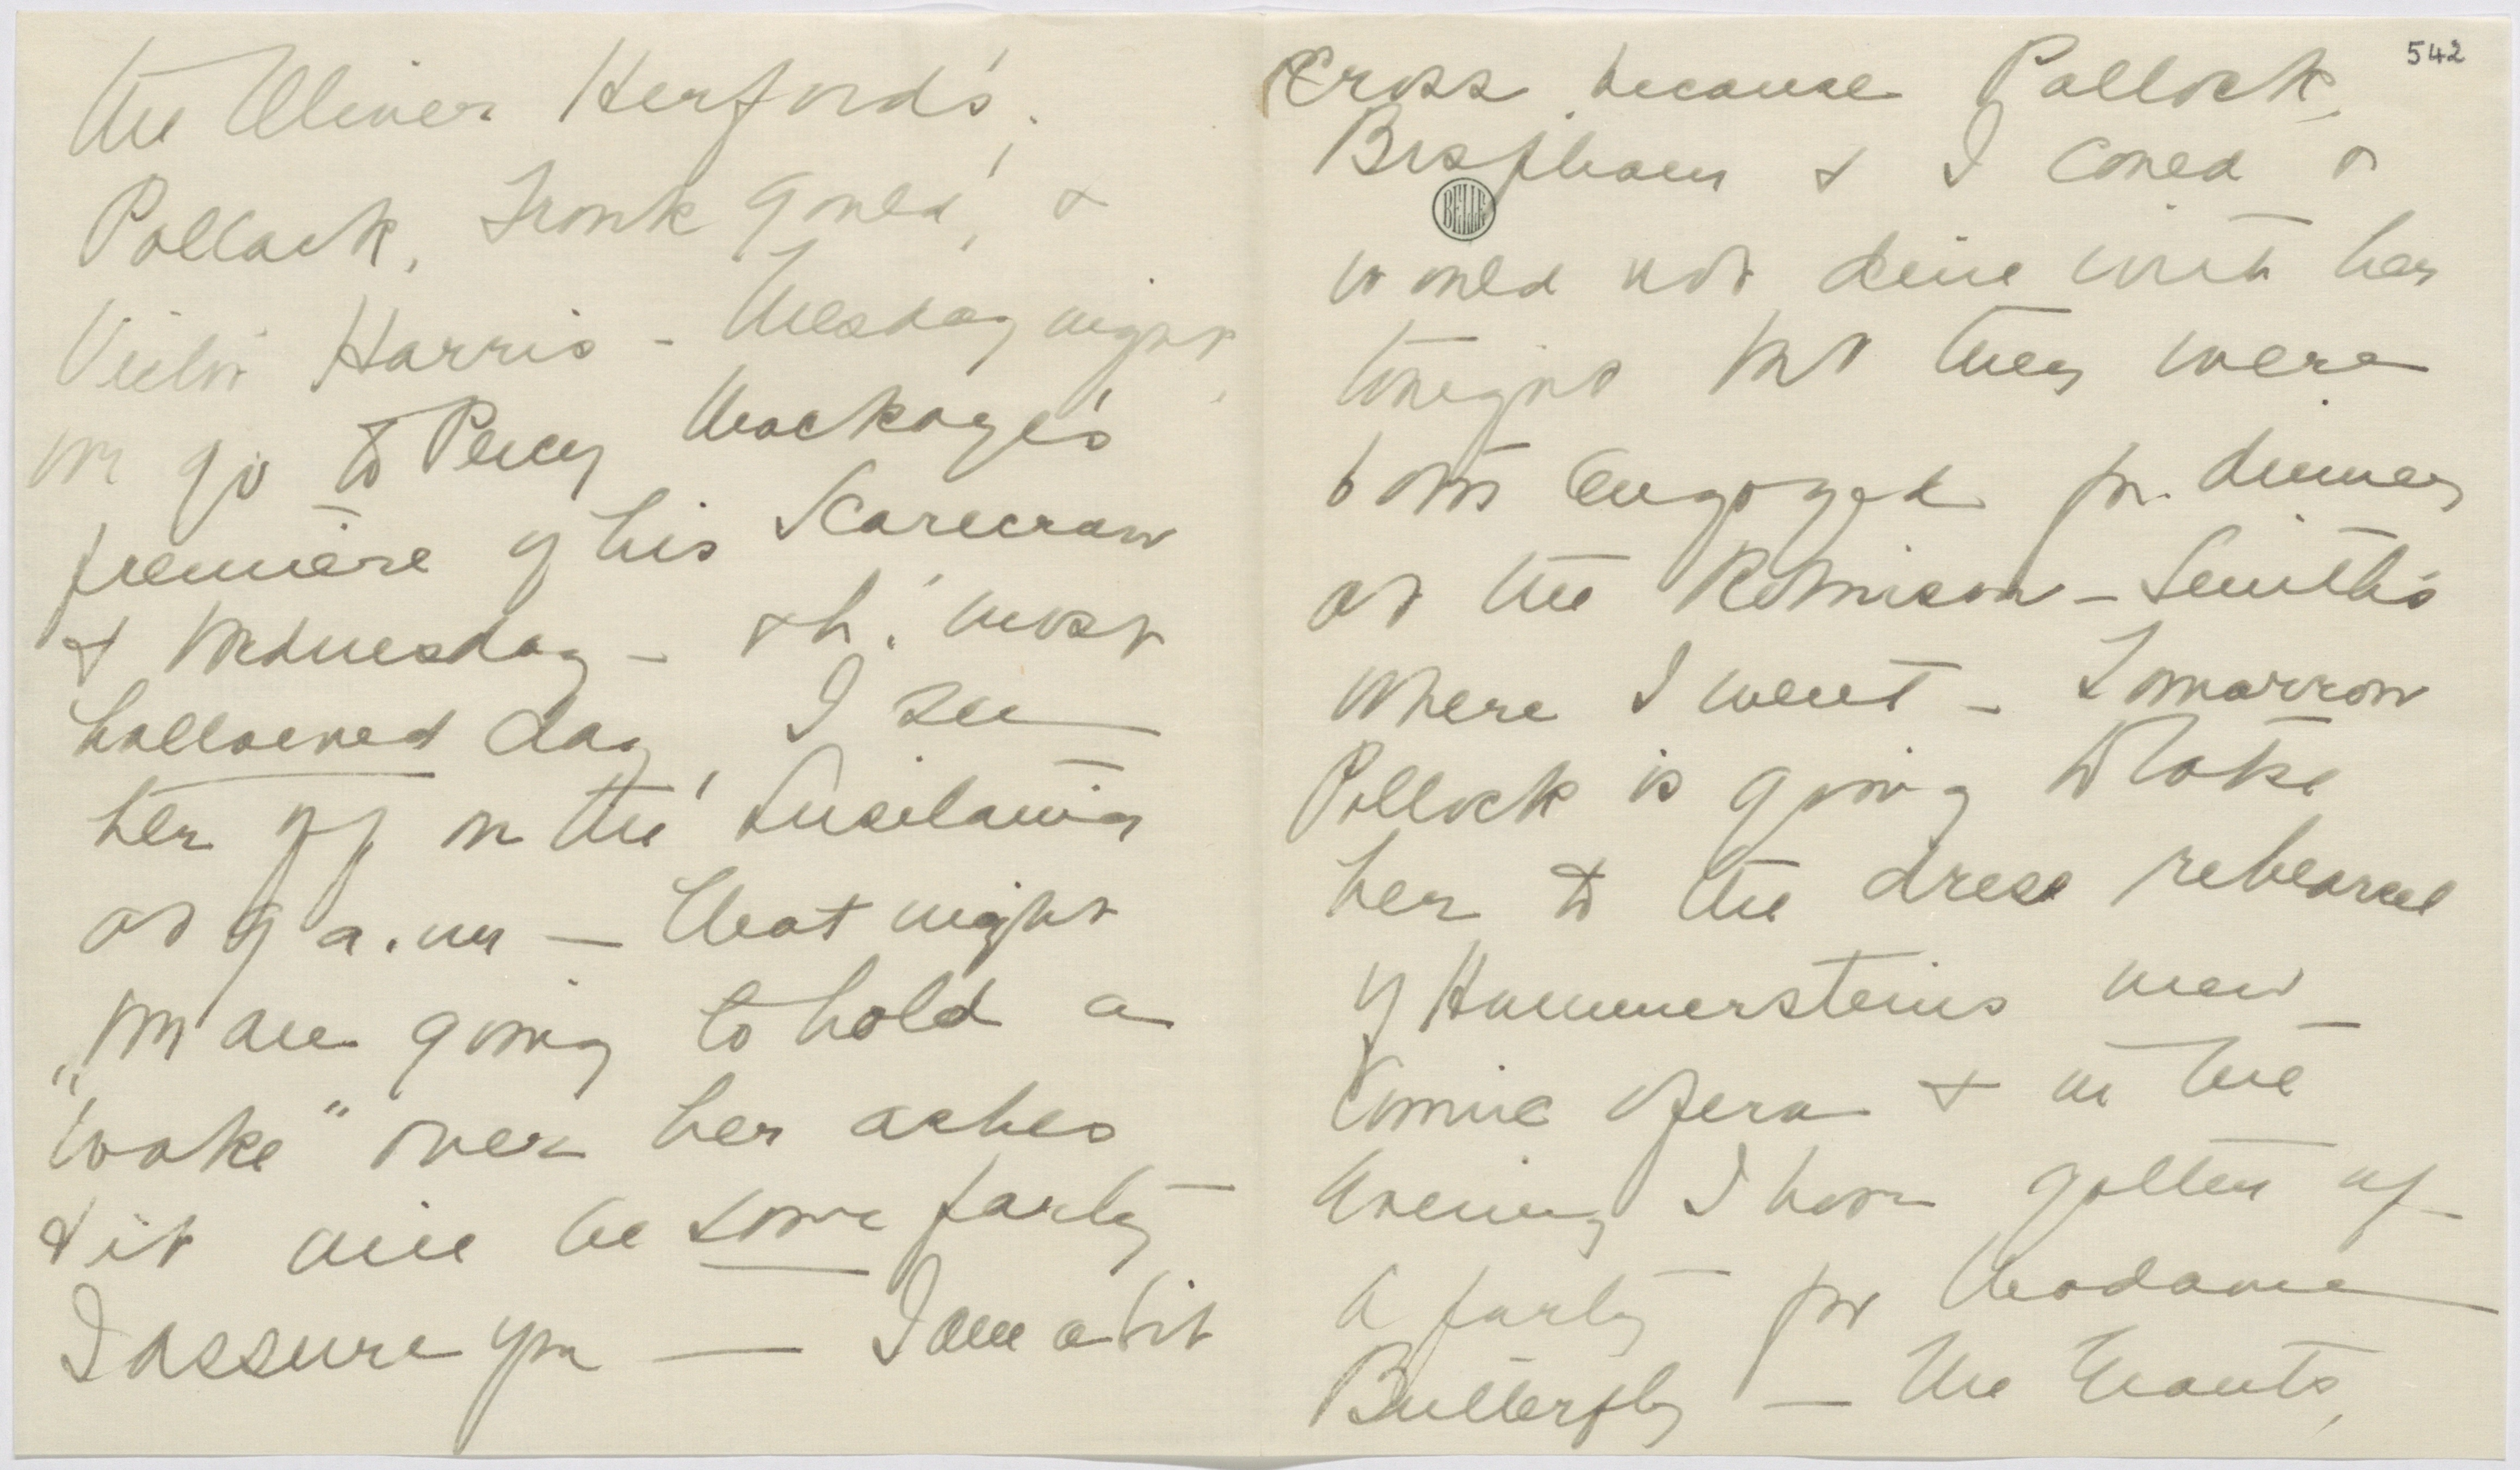cross because Pollock, Bispham & I could & would not dine with her tonight but they were both engaged for dinner at the Robinson-Smith’s where I went – Tomorrow Pollock is going to take her to the dress rehearsal of Hammerstein’s new comic opera & in the evening I have gotten up a party for Madame Butterfly – The Grants
the Oliver Herford’s, Pollock, Frank Gould, & Victor Harris – Tuesday night we go to Percy Mackaye’s premiere of his Scarecrow & Wednesday – oh! Most hallowed day, I see her off in the Lusitania at 9 a.m. – that night we are going to hold a “wake” over her ashes & it will be some party I assure you – I am a bit